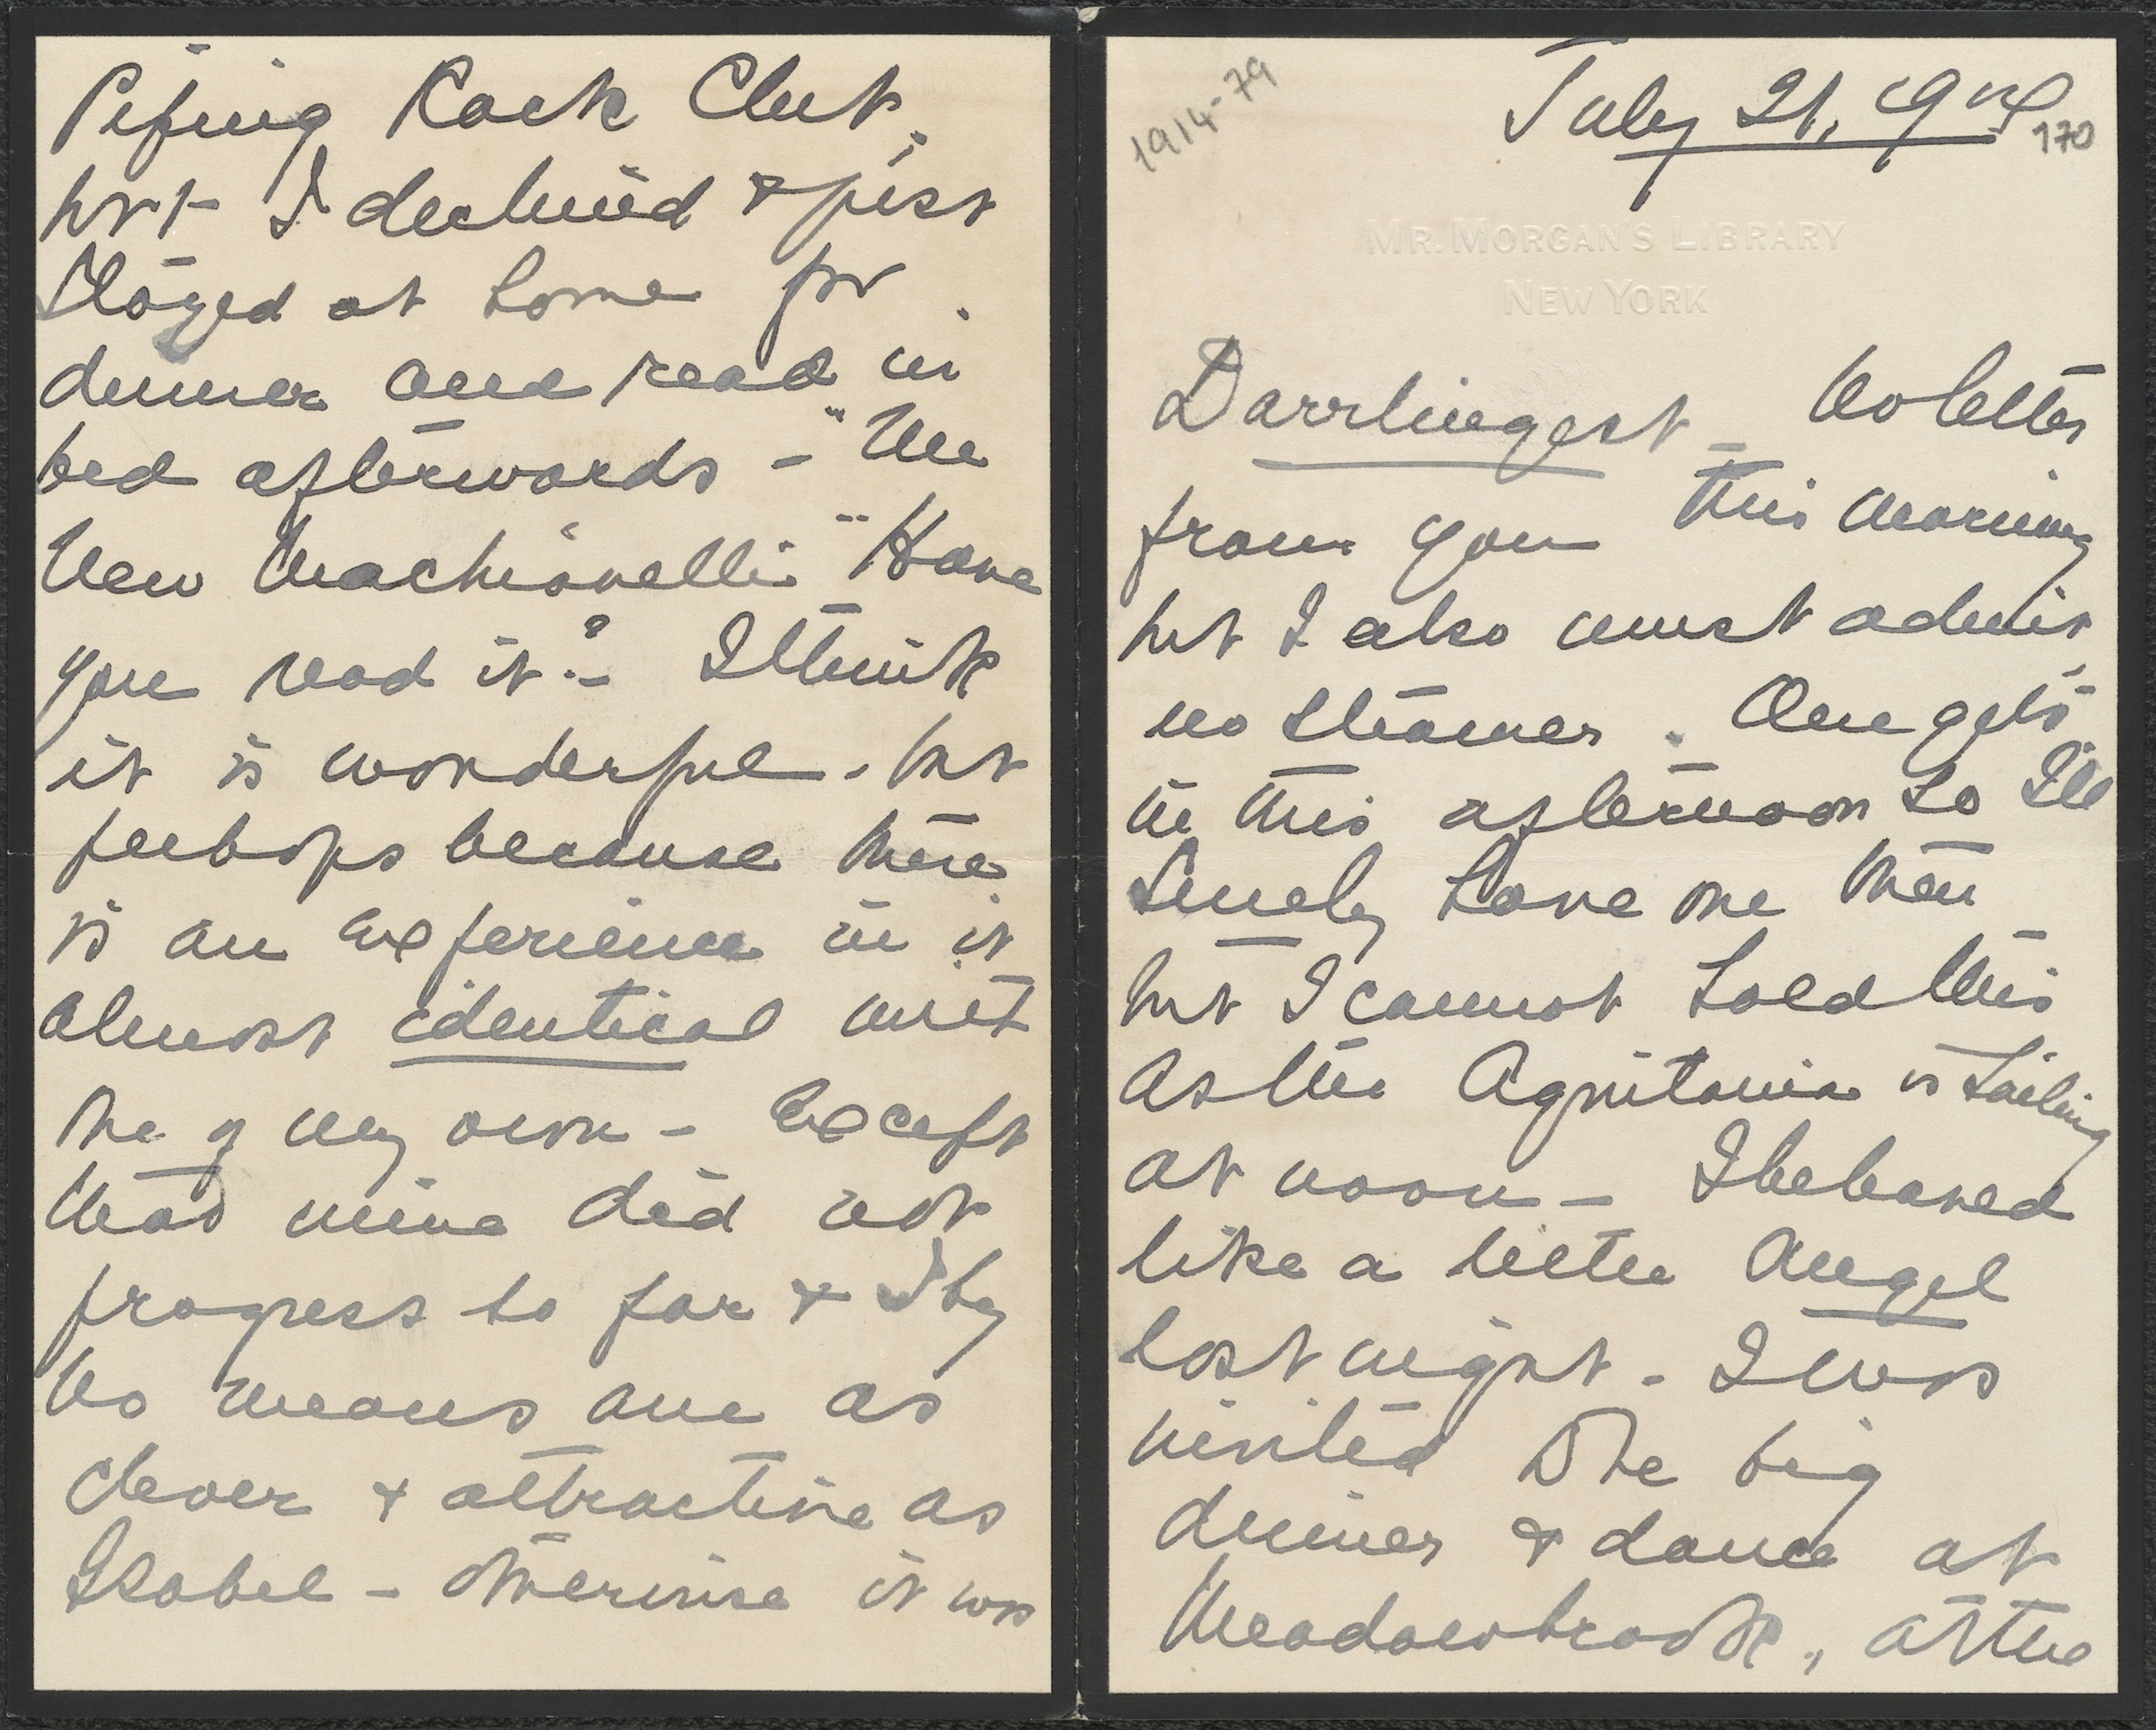July 21, 1914
Darrlingest – No letter from you this morning but I also must admit, no steamer. One gets in this afternoon so I’ll surely have one then but I cannot hold this as the Aquitania is sailing at noon – I behaved like a little angel last night – I was invited to the big dinner & dance at Meadowbrook, at the
Piping Rock Club, but I declined & just stayed at home for dinner and read in bed afterwards – “The New Machiavelli” Have you read it? – I think it is wonderful, but perhaps because there is an experience in it almost identical with one of my own – except that mine did not progress so far & I by no means am as clever & attractive as Isabel – otherwise it was